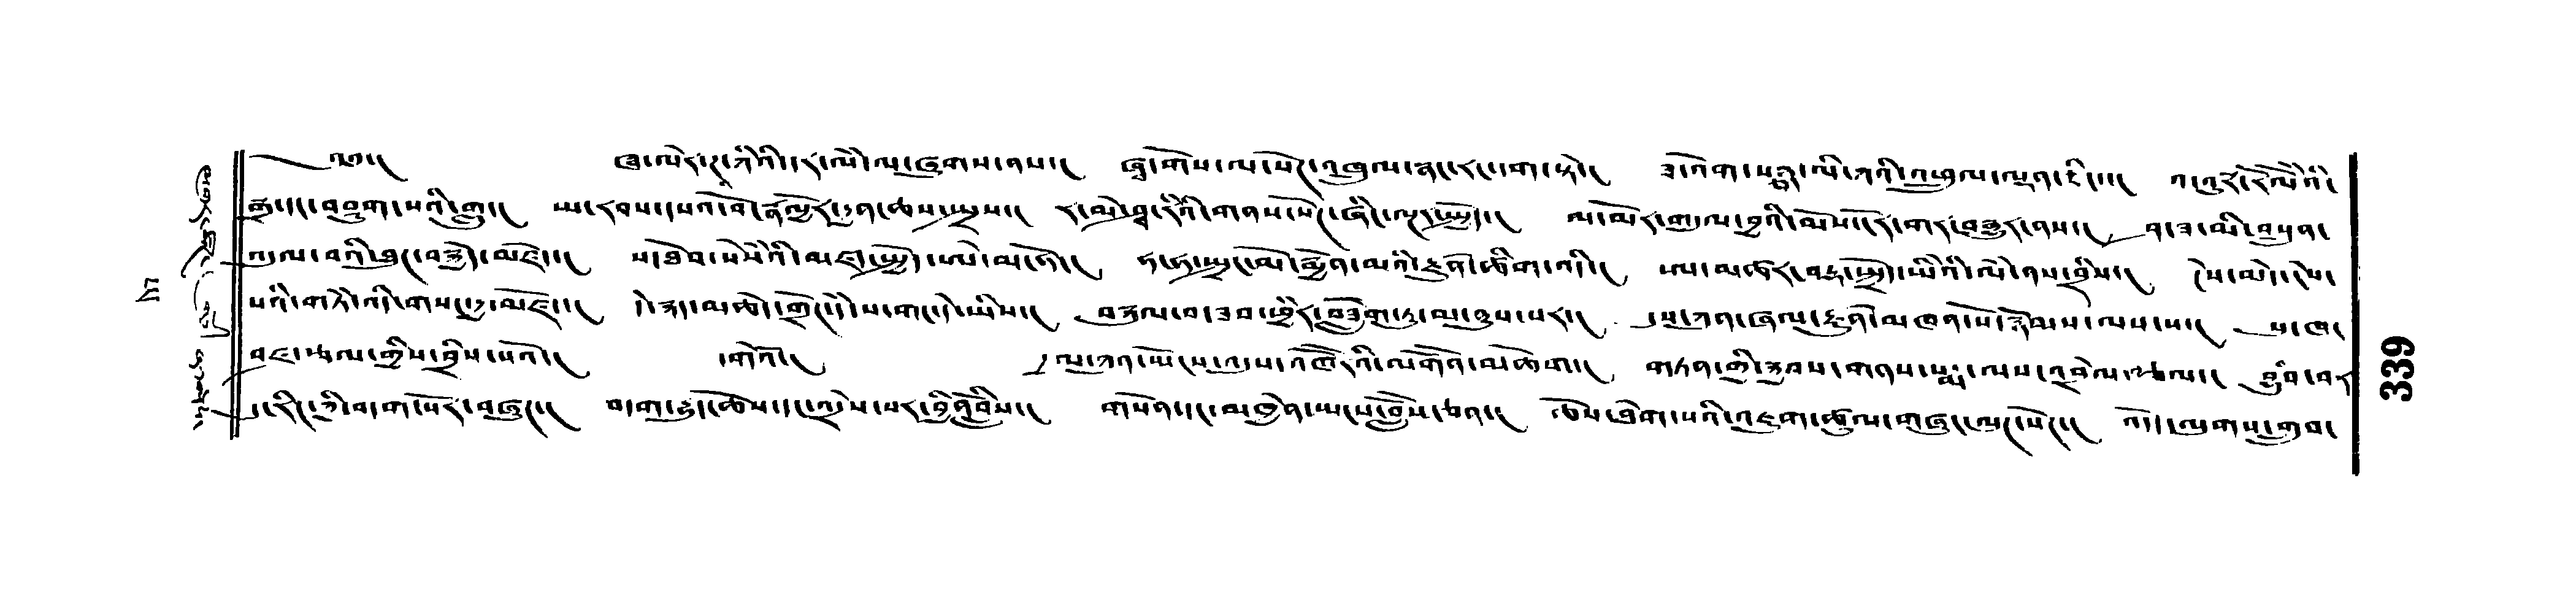།ཝ་ལེར་ཌཱ་ཀིའི་དར་ལམ་ལ་ཞུགས་ནས། །ཞྭ་གོས་ལ་སོགས་འཁྲུལ་སྣང་རང་དག་སྟེ། །ཟ་འོག་པཉྩ་ལི་ཀའི་འཕྲུལ་ལྡན་ཅིང་། །འ་འུར་རོལ་མོའི་
སྒྲ་དང་བཤུགས་པའི་གླུ། །ཡ་རབས་དཔའ་བོ་རྣལ་འབྱོར་རྒྱན་ཆས་སྤྲས། །ར་མེ་ཤྭ་རའི་གནས་སོགས་ཞིང་ལྔར་སྤྱོད། །ལ་མོར་གདུལ་བྱའི་མོས་ངོར་གར་བསྒྱུར་ནས། །ཤ་ཟ་མི་བསྲུན་
འདུལ་བའི་ཐུགས་བསྐྱེད་མཛོད། །ས་ཐོབ་སེམས་དཔའི་མཛད་སྤྱོད་ཨེ་མ་ཧོ། །ཧ་ཧ་སྤྲང་མོ་སྨྱོན་མའི་རྫུན་ཚིག་འདི། །ཨ་མཚར་བརྡ་སྤྲོད་ཡི་གེའི་ལམ་ནས་བྲིས། །ངེས་མེད་ངེས་
པའི་གཏམ་འདི་གསང་རྒྱ་མཛོད། །དེ་སྐད་མཆེད་གྲོགས་དམ་པ་གང་དེ་ཡིས། །བསྐུལ་བ་ཟབ་ཕྱིར་བཟློག་ཏུ་མ་ནུས་པར། །དུས་ཀུན་ཞལ་རྫུན་མཁན་པོ་སྙོམས་ལས་པ། །སུ་ཁ་
བཛྲ་རྩལ་གྱིས་བྲིས་པའོ།། དགེའོ།། རྒྱལ་ཀུན་ཡོངས་འདུས་འཁོར་ལོའི་མགོན་པོ་མཆོག །གཏན་གྱི་སྐྱབས་གནས་པདྨ་ལས་འབྲེལ་རྩལ། །བྱང་ཆུབ་བར་
དུ་རིགས་ཀྱི་བདག་པོར་བཞུགས། །བདག་རྒྱུད་ཆོས་དང་འདྲེས་པར་བྱིན་གྱིས་རློབས། །གསོན་དང་མཁྱེན་ཡངས་བློ་གྲོས་ཅན། །ཆོས་ཐེག་པའི་འཇུག་ཚུལ་གཞུང་ལུགས་སོགས། །འདོད་ལུགས་གྲུབ་